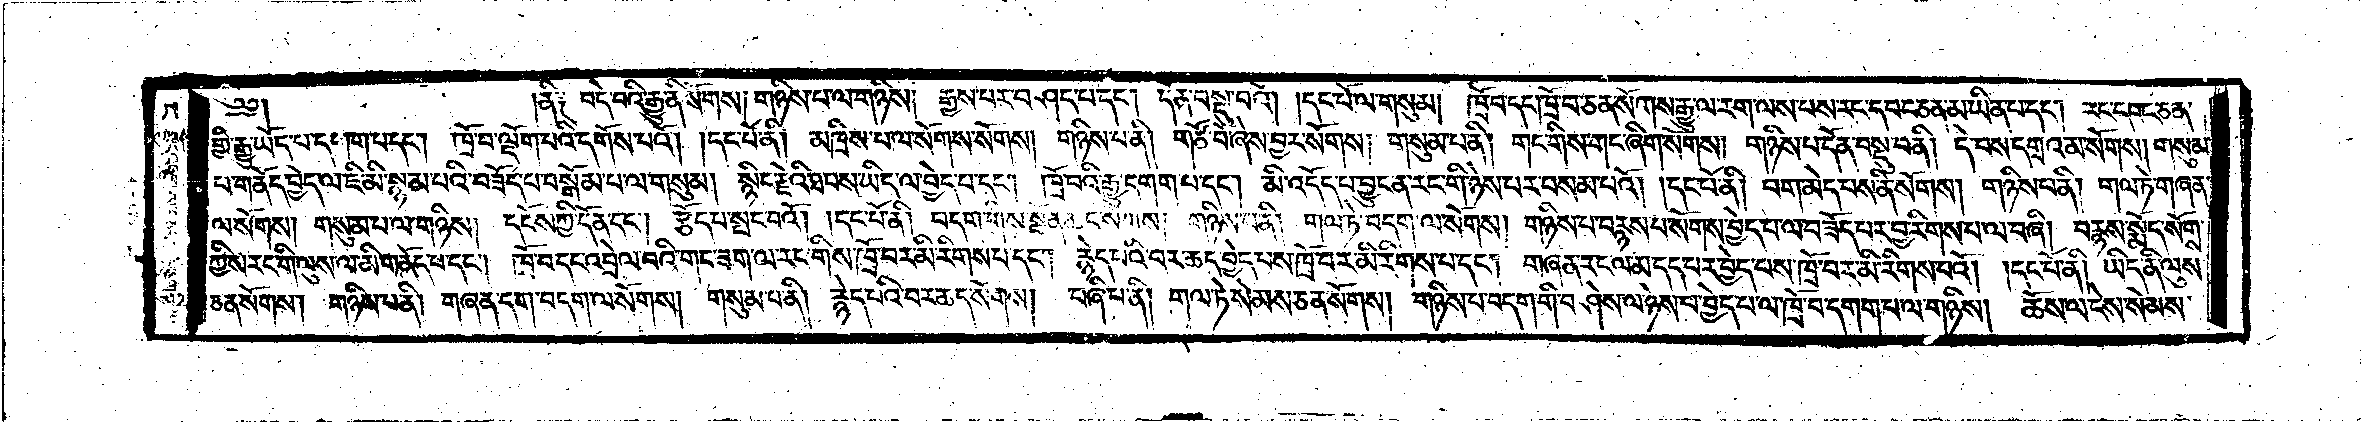༄༅། །ནི༑ བདེ་བའི་རྒྱུ་ནི་སོགས། གཉིས་པ་ལ་གཉིས། རྒྱས་པར་བཤད་པ་དང་། དོན་བསྡུ་བའོ། །དང་པོ་ལ་གསུམ། ཁྲོ་བ་དང་ཁྲོ་བ་ཅན་སོགས་རྒྱུ་ལ་རག་ལས་པས་རང་དབང་ཅན་མ་ཡིན་པ་དང་། རང་དབང་ཅན་
གྱི་རྒྱུ་ཡོད་པ་དགག་པ་དང་། ཁྲོ་བ་ལྡོག་པའི་དགོས་པའོ། །དང་པོ་ནི། མཁྲིས་པ་ལ་སོགས་སོགས། གཉིས་པ་ནི། གཙོ་བོ་ཞེས་བྱར་སོགས། གསུམ་པ་ནི། གང་གིས་གང་ཞིག་སོགས། གཉིས་པ་དོན་བསྡུ་བ་ནི། དེ་བས་དགྲའམ་སོགས། གསུམ་
པ་གནོད་བྱེད་ལ་ཇི་མི་སྙམ་པའི་བཟོད་པ་བསྒོམ་པ་ལ་གསུམ། སྙིང་རྗེའི་ཐབས་ཡིད་ལ་བྱེད་པ་དང་། ཁྲོ་བའི་རྒྱུ་དགག་པ་དང་། མི་འདོད་པ་བྱུང་ན་རང་གི་ཉེས་པར་བསམ་པའོ། །དང་པོ་ནི། བག་མེད་པས་ནི་སོགས། གཉིས་པ་ནི། གལ་ཏེ་གཞན་
ལ་སོགས། གསུམ་པ་ལ་གཉིས། དངོས་ཀྱི་དོན་དང་། རྩོད་པ་སྤང་བའོ། །དང་པོ་ནི། བདག་གིས་སྔོན་ཆད་སོགས། གཉིས་པ་ནི། གལ་ཏེ་བདག་ལ་སོགས། གཉིས་པ་བརྙས་པ་སོགས་བྱེད་པ་ལ་བཟོད་པར་བྱ་རིགས་པ་ལ་བཞི། བརྙས་སྨོད་སོགས་
ཀྱིས་རང་གི་ལུས་ལ་མི་གནོད་པ་དང་། ཁྲོ་བ་དང་འབྲེལ་བའི་གང་ཟག་ལ་རང་གིས་ཁྲོ་བར་མི་རིགས་པ་དང་། རྙེད་པའི་བར་ཆད་བྱེད་པས་ཁྲོ་བར་མི་རིགས་པ་དང་། གཞན་རང་ལ་མ་དད་པར་བྱེད་པས་ཁྲོ་བར་མི་རིགས་པའོ། །དང་པོ་ནི། ཡིད་ནི་ལུས་
ཅན་སོགས། གཉིས་པ་ནི། གཞན་དག་བདག་ལ་སོགས། གསུམ་པ་ནི། རྙེད་པའི་བར་ཆད་སོགས། བཞི་པ་ནི། གལ་ཏེ་སེམས་ཅན་སོགས། གཉིས་པ་བདག་གི་བཤེས་ལ་ཉེས་པ་བྱེད་པ་ལ་ཁྲོ་བ་དགག་པ་ལ་གཉིས། ཆོས་ལ་ངེས་སེམས་